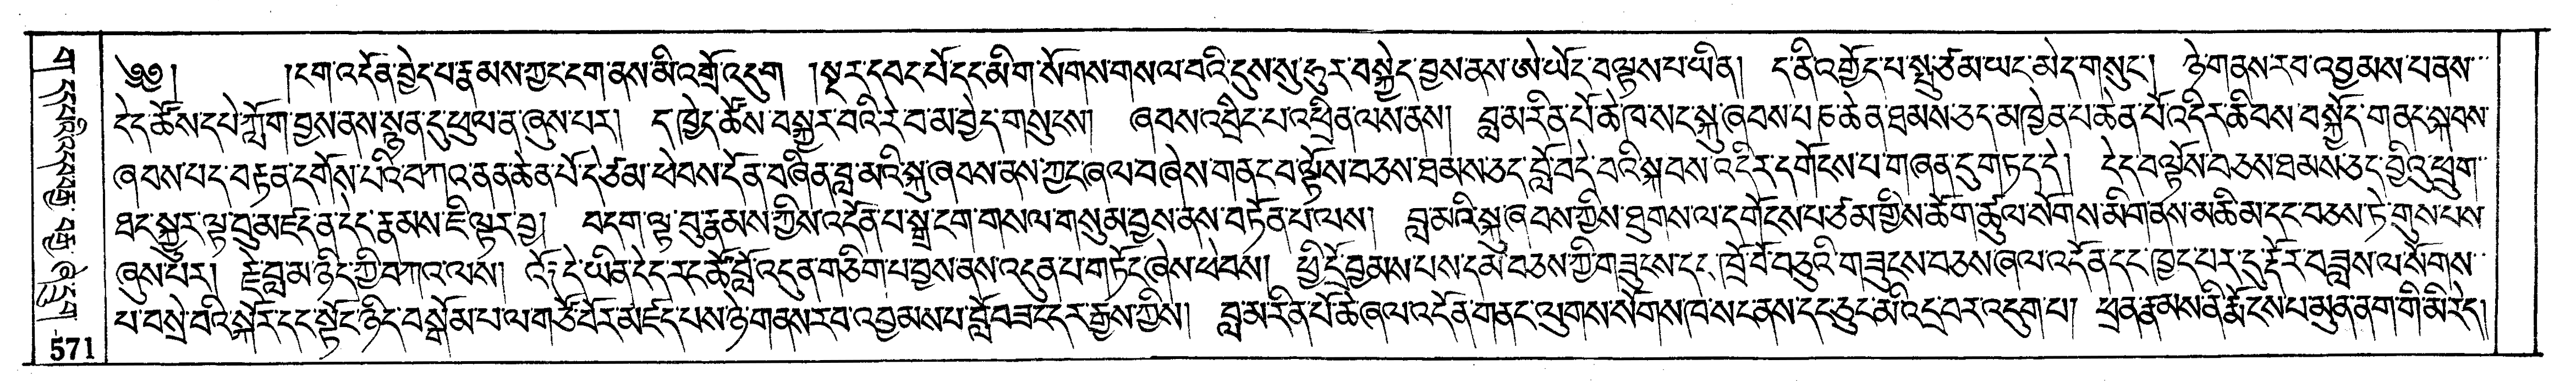༄༅། །དག་འདོན་བྱེད་པ་རྣམས་ཀྱང་ངག་ནས་མི་འགྲོ་འདུག །སྔར་དབང་པོ་དང་མིག་སོགས་གསལ་བའི་དུས་སུ་ཧུར་བསྐྱེད་བྱས་ནས་ཨེ་ཡོང་བལྟས་པ་ཡིན། ད་ནི་འགྱོད་པ་སྤུ་ཙམ་ཡང་མེད་གསུང་། ཉེ་གནས་རབ་འབྱམས་པ་ནས་
ངེད་ཚོས་དཔེ་ཀློག་བྱས་ནས་སྙན་དུ་ཕུལ་ན་ཞུས་པར། ད་ཁྱེད་ཚོས་བསྐྱར་བའི་རེ་བ་མ་བྱེད་གསུངས། ཞབས་འབྲིང་པ་འཕྲིན་ལས་ནས། བླ་མ་རིན་པོ་ཆེ་ཁ་སང་སྐུ་ཞབས་པཎ་ཆེན་ཐམས་ཅད་མཁྱེན་པ་ཆེན་པོ་འདིར་ཆིབས་བསྐྱོང་གནང་སྐབས་
ཞབས་པད་བརྟན་དགོས་པའི་བཀའ་ནན་ཆེན་པོ་དེ་ཙམ་ཕེབས་དོན་བཞིན་བླ་མའི་སྐུ་ཞབས་ནས་ཀྱང་ཞལ་བཞེས་གནང་བལྟོས་བཅས་ཐམས་ཅད་བློ་བདེ་བའི་སྐབས་འདིར་དགོངས་པ་གཞན་དུ་གཏད་དེ། ངེད་བལྟོས་བཅས་ཐམས་ཅད་བྱིའུ་ཕྲུག་
ཐང་སྐྱུར་ལྟ་བུ་མཛད་ན་ངེད་རྣམས་ཇི་ལྟར་བྱ། བདག་ལྟ་བུ་རྣམས་ཀྱིས་འདོན་པ་སྒྲ་དག་གསལ་གསུམ་བྱས་ནས་བཏོན་པ་ལས། བླ་མའི་སྐུ་ཞབས་ཀྱིས་ཐུགས་ལ་དགོངས་པ་ཙམ་གྱིས་ཆོག་ཚུལ་སོགས་མིག་ནས་མཆི་མ་དང་བཅས་ཏེ་གུས་པས་
ཞུས་པར། རྗེ་བླ་མ་ཉིད་ཀྱི་བཀའ་ལས། འོ༑ དེ་ཡིན་ངེད་རང་ཚོ་བློ་འདུན་གཅིག་པ་བྱས་ནས་འདུན་པ་གཏོང་ཞེས་ཕེབས། ཕྱི་དྲོ་བྱམས་པས་དམ་བཅས་ཀྱི་གཟུངས་དང་ཁྲོ་བོ་བཅུའི་གཟུངས་བཅས་ཞལ་འདོན་དང་ཁྱད་པར་དུ་རྡོར་བཟླས་ལ་སོགས་
པ་བསྲེ་བའི་སྐོར་དང་སྟོང་ཉིད་བསྒོམ་པ་ལ་གཙོ་བོར་མཛད་པས་ཉེ་གནས་རབ་འབྱམས་པ་བློ་བཟང་དར་རྒྱས་ཀྱིས། བླ་མ་རིན་པོ་ཆེ་ཞལ་འདོན་གནང་ལུགས་སོགས་ཁ་སང་ནས་དང་ཅུང་མི་འདྲ་བར་འདུག་པ། ཕྲན་རྣམས་ནི་རྨོངས་བ་མུན་ནག་གི་མི་རེད་